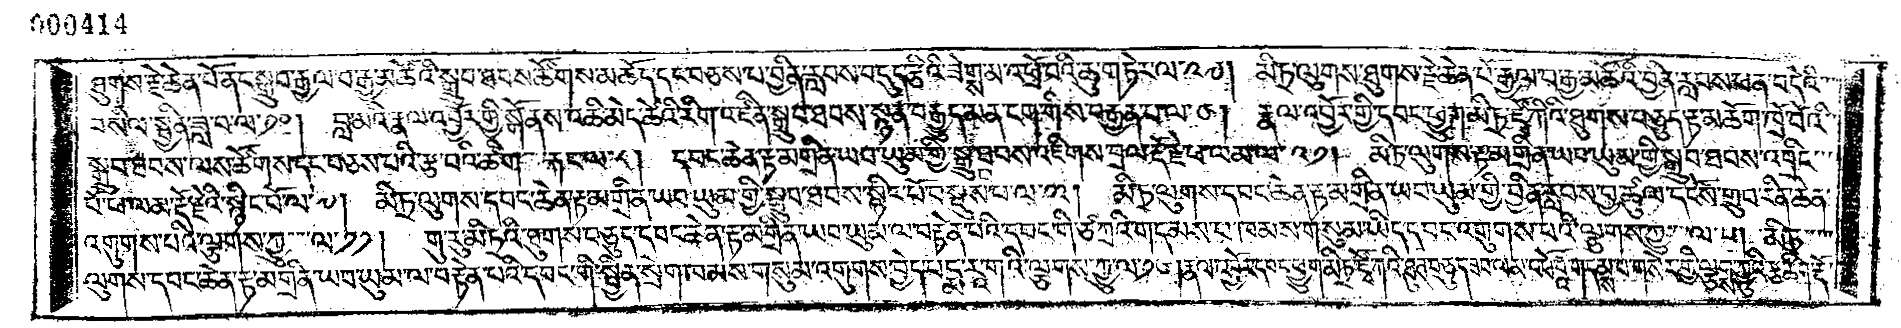ཐུགས་རྗེ་ཆེན་པོ་ནང་སྒྲུབ་རྒྱལ་བ་རྒྱ་མཚོའི་སྒྲུབ་ཐབས་ཚོགས་མཆོད་དང་བཅས་པ་བྱིན་རླབས་བདུད་རྩིའི་ཟེགས་མ་འཕྲོ་བའི་ཆུ་གཏེར་ལ ༢༧། མི་ཏྲ་ལུགས་ཐུགས་རྗེས་ཆེན་པོ་རྒྱལ་བ་རྒྱ་མཚོའི་བྱིན་རླབས་ཕན་བདེའི་
བསིལ་སྦྱིན་ཟླ་བ་ལ༡༠། བླ་མའི་རྣལ་འབྱོར་གྱི་སྒོ་ནས་འཆི་མེད་ཚེའི་རིགས་འཛིན་སྒྲུབ་ཐབས་སྙན་བརྒྱུད་མན་ངག་གིས་བརྒྱན་པ་ལ ༦། རྣལ་འབྱོར་གྱི་དབང་ཕྱུག་མི་ཏྲ་ཛྭོ་ཀིའི་ཐུགས་བཅུད་རྟ་མཆོག་ཁྲོ་བོའི་
སྒྲུབ་ཐབས་ལས་ཚོགས་དང་བཅས་པའི་རྩ་བའི་ཚིག་རྐང་ལ༨། དབང་ཆེན་རྟ་མགྲིན་ཡབ་ཡུམ་གྱི་སྒྲུབ་ཐབས་འཇིགས་བྲལ་རྡོ་རྗེ། ཕ་ལམ་ལ ༢༡། མི་ཏྲ་ལུགས་རྟ་མགྲིན་ཡབ་ཡུམ་གྱི་སྒྲུབ་ཐབས་འབྲིང་
པོ་ཕ་ལམ་རྡོ་རྗེའི་སྙིང་པོ་ལ༧། མི་ཏྲ་ལུགས་དབང་ཆེན་རྟ་མགྲིན་ཡབ་ཡུམ་གྱི་སྒྲུབ་ཐབས་སྙིང་པོ་བསྡུས་པ་ལ ༣། མི་ཏྲ་ལུགས་དབང་ཆེན་རྟ་མགྲིན་ཡབ་ཡུམ་གྱི་ཡིན་རླབས་བྱ་ཚུལ་དངོས་གྲུབ་རིན་ཆེན་
འགུགས་པའི་ལྕགས་ཀྱུ་ལ༡༡། གུ་རུ་མི་ཏྲའི་ཐུགས་བཅུད་དབང་ཆེན་རྟ་མགྲིན་ཡབ་ཡུམ་ལ་བརྟེན་པའི་དབང་གི་ཙཀྲའི་གདམས་པ་ཁམས་གསུམ་ཡིད་དབང་འགུགས་པའི་ལྕགས་ཀྱུ་ལ་པ། མི་ཏྲ་
ལུགས་དབང་ཆེན་རྟ་མགྲིན་ཡབ་ཡུམ་ལ་བརྟེན་པའི་དབང་གི་སྦྱིན་སྲེག་ཁམས་གསུམ་འགུགས་བྱེད་པདམ་རཱ་གའི་ལྕགས་ཀྱུ་ལ ༡༦། རྣལ་འབྱོར་དབང་ཕྱུག་མི་ཏྲ་ཛྭོ་ཀའི་ཐུཌ་བཅུད་ཟབ་ལམ་འཕོ་བའི་གདམས་པ་གསེར་གྱི་ལྕགས་ཀྱུའི་རྩ་ཚིག་རྡོ་